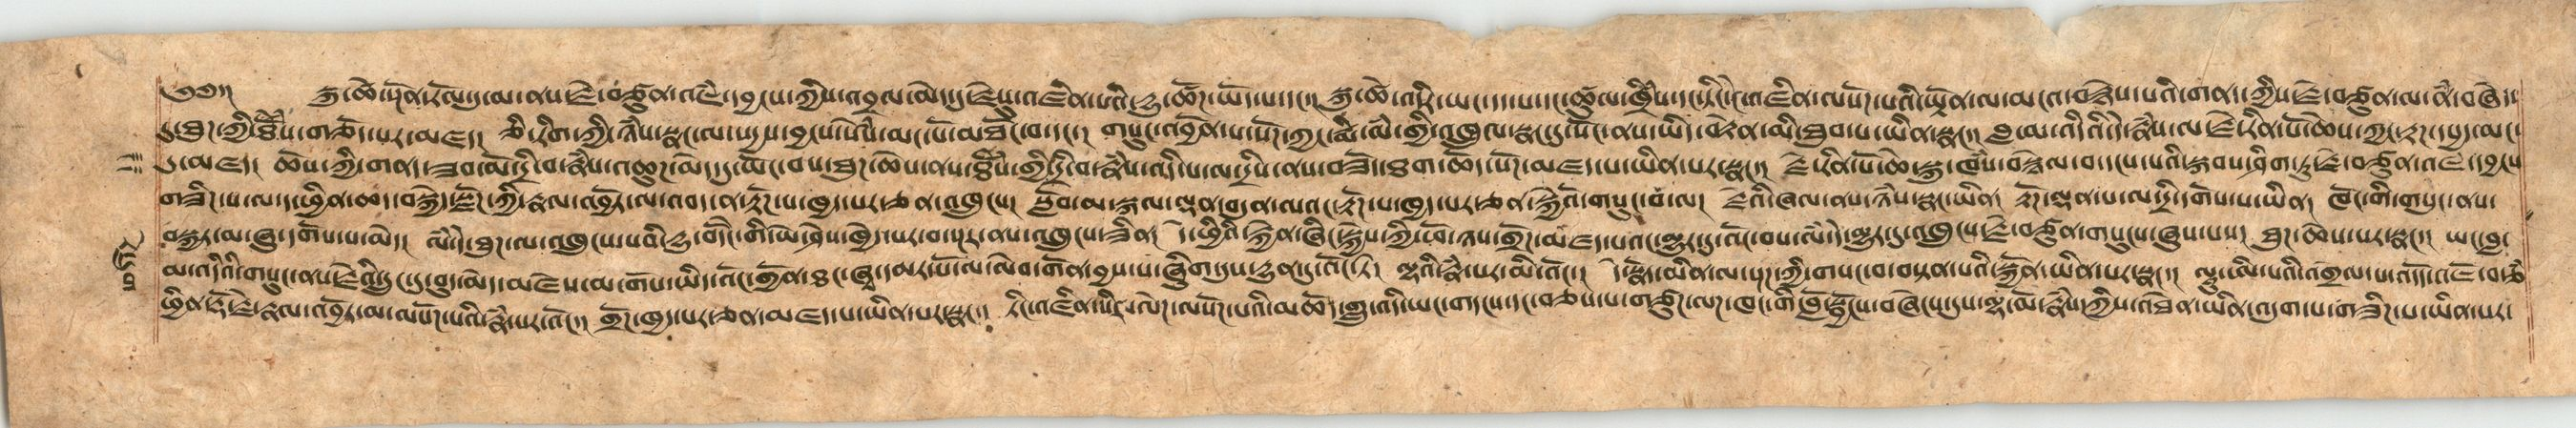༄༅་། སྐུ་ཚེ་སྔོན་རོལ་དུ་མ་ནས་རྗེ་བཙུན་འཇཾ་དབྱངས་ཀྱིས་འབྲལ་མེད་དུ་རྗེསུ་འཛིན་པའི་དྱུ་ཚོཌ་ཡོད་པ་དང་། སྐུ་ཚེ་འདིར་ཡང་དད་པ་དང་ཚུལ་ཁྲིཾས་དང་ཏིང་ངེ་འཛིན་ལསོཌ་པའི་ཡྟོན་ལ་མངའ་བརྙེས་པའི་གནད་ཀྱིས་རྗེ་བཙུན་ལ་ནཾ་བཞེད་
དུ་ཐུཌ་ཀྱི་ཐེོཾས་གཅོད་པར་མཛད། ཅི་རིག་ཀྱི་ཉཾས་སྣང་ལ་སདྱས་བྱང་སེཾས་མང་པོ་མཐོང་བ་དང་། གསུང་འབྱོན་པ་སོཌ་ཀྱང་རྨི་ལཾ་གྱི་འཁྲུལ་སྣང་དུ་སོང་ནས་ཡིད་བརྟེན་མི་ཐུབ་པ་ཡིན་སྣང་། བླ་མ་འདིའི་དེ་རྣཾས་ལ་རྗེ་རིན་པོ་ཆེས་ཀྱང་རྟཌ་དཔྱད་མང་
དུ་མཛད། ཆོས་ཀྱི་གནད་ཟབ་མོ་དྲི་བ་རྣཾས་འཆུཌ་མེད་དུ་ཡོང་བས་ཐུཌ་ཆེས་ནས་ཐེོཾས་གྱི་དྲི་བ་རྣཾས་འདི་པ་ལ་དྲིས་ནས་བཟོད་ཐག་ཆོད་སོཌ་མཛད་པ་ཡིན་པར་སྣང་། རྗེ་རིན་པོ་ཆེ་སྐུ་ཁཾས་བསྙེལ་བ་དངས་པའི་སྐབས་ཤིག་ཏུ་རྗེ་བཙུན་འཇཾ་དབྱངས་
གཟིཌ་པ་ལ་ད་ཕྱིན་ཆད་བསྐྱེད་སྫོཌ་ཀྱི་རྣལ་འབྱོར་ལ་འབད་ན་རྟོཌ་པ་ཁྱད་པར་ཅན་འཁྲུངས། སློབ་མ་སྐལ་ལྡན་བདུན་ལའང་རྟོཌ་པ་ཁྱད་པར་ཅན་སྐྱེའོ་གསུང་བ་ལ། རྗེའི་ཞལ་ནས་ཉཾས་སྣང་ཡིན། རྟོཌ་ལྡན་པ་ལ་དྲི་དགོས་པ་ཡིན། ཁོང་གི་གསུང་ནས་
བསྐྱར་མ་ཞུ་དགོས་པ་མེད། ལཾ་དེ་ཐུཌ་ལ་འཁྲུངས་པའི་དྱུ་བདེོང་གི་ཡེ་ཤེས་ཁྱེད་པར་བ་སྔར་ནས་འཁྲུངས་ཟིན། ད་ཕྱིའི་རྐྱེན་ཞིང་སྐྱེས་ཀྱི་ཕོ་ཉས་གྲོཌ་མཛད་པའང་མྱུར་དུ་འོང་བས་ལཾ་དེ་མྱུར་དུ་འཁྲུངས་རྗེ་བཙུན་གསུངས་ཞུས་པས། ཐུཌ་ཆེས་པར་སྣང་། ཡང་བླ་
མ་འདིའི་གསུང་ནས་རྗེའི་དྲུང་དུ་བུད་མེད་མཛེས་མ་གོས་ཡིད་འོང་གྱོན་ཐང་ཞྭ་དམར་པོ་ལ་ལེབ་གོན་བྱས་པ་ཞིུག་དུས་དྱུན་དུ་འོང་ཏེ། ལྷའི་རྣཾ་པར་མི་འོང་། དེ་སྣོད་མིན་ལ་སྔཌ་ཀྱི་གསང་བ་བསྟན་པའི་སྐྱོན་ཡིན་པར་སྣང་། ལཱུ་ཨི་པའི་འགྲེལ་པ་འདོད་འཇོ་བ་ཙཾ
ཕྱིན་རྡོ་རྗེ་རྣལ་འབྱོར་མ་ལསོཌ་པའི་རྣཾ་པར་འོང་། གྲོཌ་ཁྱད་པར་ཅན་མཛད་པ་ཡིན་པར་སྣང་། ཏིང་འཛིན་སིར་ལེཌ་ལསོཌ་པའི་མཆོད་གླུ་འདི་ཡང་གདངས་དང་བཅས་པ་གཙུཌ་ལཌ་ཁང་གི་བློ་སྦྱོངས་བཞེངས་དུས་ལྷ་མོ་རྣཾས་ཀྱིས་འཐེན་ཡིན་འདུག་པ་གཟིཌ་པ་ཡིན་པར་